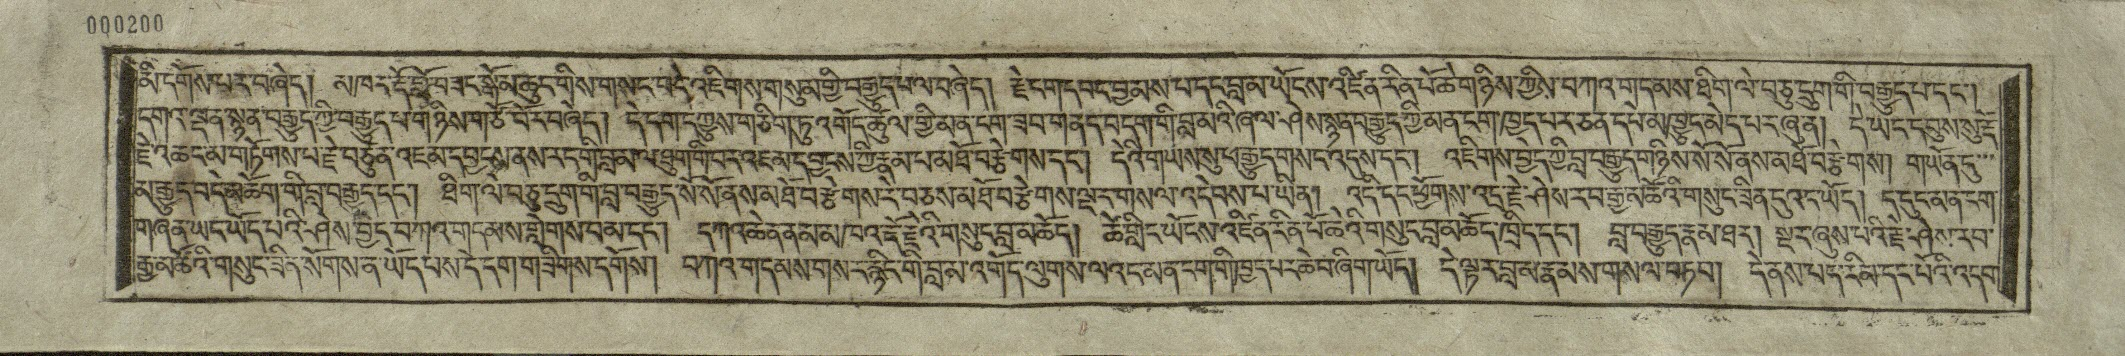མི་དགོས་པར་བཞེད། མཁར་རྡོ་བློ་བཟང་སྒོམ་ཆུང་གིས་གསང་བདེ་འཇིགས་གསུམ་གྱི་བརྒྱུད་པ་ལ་བཞེད། རྗེ་ངག་དབང་བྱམས་པ་དང་བླ་མ་ཡོངས་འཛིན་རིན་པོ་ཆེ་གཉིས་ཀྱིས་བཀའ་གདམས་ཐིག་ལེ་བཅུ་དྲུག་གི་བརྒྱུད་པ་དང་།
དགའ་ལྡན་སྙན་བརྒྱུད་ཀྱི་བརྒྱུད་པ་གཉིས་གཙོ་བོར་བཞེད། དེ་དག་དཀྱུས་གཅིག་ཏུ་འགོད་ཚུལ་གྱི་མན་ངག་ཟབ་གནད་བདག་གི་བླ་མའི་ཞལ་ཤེས་སྙན་བརྒྱུད་ཀྱི་མན་ངག་ཁྱད་པར་ཅན་དཔེ་མཁྱུད་མེད་པར་ཞུ་ན། དེ་ཡང་དབུས་སུ་རྡོ་
རྗེ་འཆང་མ་གཏོགས་པ་རྗེ་བཙུན་འཇམ་དབྱངས་ནས་རང་གི་བླ་མ་ལ་ཐུག་གི་བར་འཇམ་དབྱངས་ཀྱི་རྣམ་པ་མཐོ་བརྩེགས་དང་། དེའི་གཡས་སུ་ཕ་རྒྱུད་གསང་འདུས་དང་། འཇིགས་བྱེད་ཀྱི་བླ་བརྒྱུད་གཉིས་སོ་སོ་ནས་མཐོ་བརྩེགས། གཡོན་དུ་
མ་རྒྱུད་བདེ་མཆོག་གི་བླ་བརྒྱུད་དང་། ཐིག་ལེ་བཅུ་དྲུག་གི་བླ་བརྒྱུད་སོ་སོ་ནས་མཐོ་བརྩེགས་རེ་བཅས་མཐོ་བརྩེགས་ལྔར་གསལ་འདེབས་པ་ཡིན། འདི་དང་ཕྱོགས་འདྲ་རྗེ་ཤེས་རབ་རྒྱ་མཚོའི་གསུང་ཟིན་དུའང་ཡོད། ད་དུང་མན་ངག་
གཞན་ཡང་ཡོད་པའི་ཤེས་བྱེད་བཀའ་གདམས་གླེགས་བམ་དང་། དཀའ་ཆེན་ནམ་མཁའ་རྡོ་རྗེའི་གསུང་བླ་མཆོད། ཚེ་གླིང་ཡོངས་འཛིན་རིན་པོ་ཆེའི་གསུང་བླ་མཆོད་ཁྲིད་དང་། བླ་བརྒྱུད་རྣམ་ཐར། སྔར་ཞུས་པའི་རྗེ་ཤེས་རབ་
རྒྱ་མཚོའི་གསུང་ཟིན་སོགས་ན་ཡོད་པས་དེ་དག་གཟིགས་དགོས། བཀའ་གདམས་གསར་རྙིང་གི་བླ་མ་འགོད་ལུགས་ལའང་མན་ངག་གི་ཁྱད་པར་ཆེ་བ་ཞིག་ཡོད། དེ་ལྟར་བླ་མ་རྣམས་གསལ་བཏབ། དེ་ནས་པད་རིམ་དང་པོའི་འདབ་